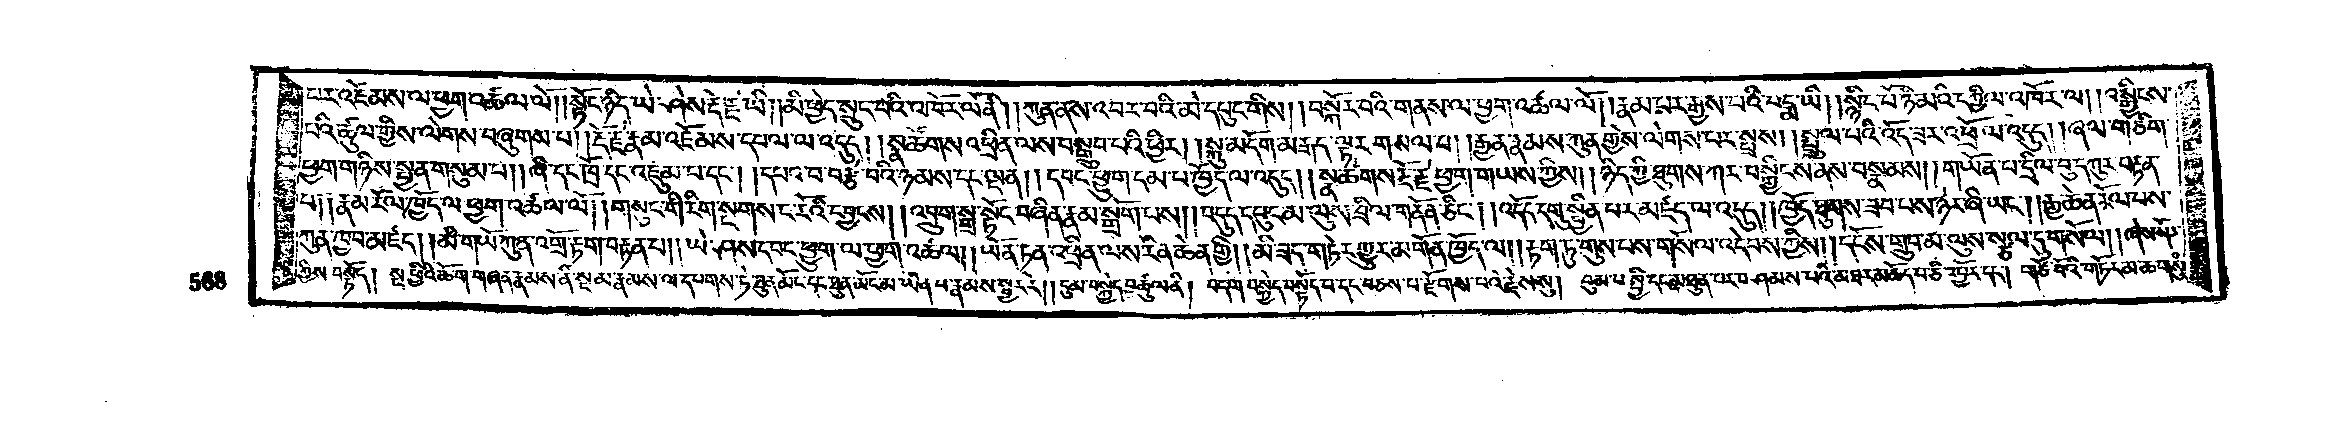པར་འཇོམས་པ་ལ་ཕྱག་འཚལ་ལོ། །སྟོང་ཉིད་ཡེ་ཤེས་རྡོ་རྗེ་ཡི། །མི་ཕྱེད་སྲུང་བའི་འཁོར་ལོ་ནི། །ཀུན་ནས་འབར་བའི་མེ་དཔུང་གིས། །བསྐོར་བའི་གནས་ལ་ཕྱག་འཚལ་ལོ། །རྣམ་པར་རྒྱས་པའི་པདམ་ཡི། །སྙིང་པོ་ཉི་མའི་དཀྱིལ་འཁོར་ལ། །བསྒྱིངས་
པའི་ཚུལ་གྱིས་ལེགས་བཞུགས་པ། །རྡོ་རྗེ་རྣམ་འཇོམས་དཔལ་ལ་འདུད། །སྣ་ཚོགས་འཕྲིན་ལས་བསྒྲུབ་པའི་ཕྱིར། །སྐུ་མདོག་མ་རྒད་ལྟར་གསལ་བ། །རྒྱན་རྣམས་ཀུན་གྱིས་ལེགས་པར་སྤྲས། །སྤྲུལ་པའི་འོད་ཟེར་འཕྲོ་ལ་འདུད། །ཞལ་གཅིག་
ཕྱག་གཉིས་སྤྱན་གསུམ་ལ། །ཞི་དང་ཁྲོ་དང་འཛུམ་པ་དང་། །དཔའ་བ་བརྩེ་བའི་ཉམས་དང་ལྡན། །དབང་ཕྱུག་དམ་པ་ཁྱོད་ལ་འདུད། །སྣ་ཚོགས་རྡོ་རྗེ་ཕྱག་གཡས་ཀྱིས། །ཉིད་ཀྱི་ཐུགས་ཀར་བསྒྱིངས་ནས་བསྣམས། །གཡོན་པ་དྲིལ་བུ་དཀུར་བརྟན་
པ། །རྣམ་རོལ་ཁྱོད་ལ་ཕྱག་འཚལ་ལོ། །གསུང་གི་རིག་སྔགས་ང་རོའི་དབྱངས། །འབྲུག་སྒྲ་སྟོང་བཞིན་རྣམ་སྒྲོག་པས། །བདུད་དཔུང་མ་ལུས་ཟིལ་གནོན་ཅིང་། །འདོད་དགུ་སྦྱིན་པར་མཛད་ལ་འདུད། །ཁྱོད་ཐུགས་ཟབ་པས་ཉེར་ཞི་ཡང་། །རྒྱ་ཆེན་རོལ་པས་
ཀུན་ཁྱབ་མཛད། །མི་གཡོ་ཀུན་འགྲོ་རྟག་བརྟན་པ། །ཡེ་ཤེས་དབང་ཕྱུག་ལ་ཕྱག་འཚལ་ལོ། །ཡོན་ཏན་འཕྲིན་ལས་རིན་ཆེན་གྱི། །མི་ཟད་གཏེར་གྱུར་མགོན་ཁྱོད་ལ། །རྟག་ཏུ་གུས་པས་གསོལ་འདེབས་ཀྱིས། །དངོས་གྲུབ་མ་ལུས་སྩལ་དུ་གསོལ། །ཞེས་སོགས་ཀྱིས་བསྟོད། སྔ་ཕྱིའི་ཆོ་ག་གཞན་རྣམས་ནི་སྔ་མ་རྣམས་ལ་དཔགས་ཏེ་ཐུན་མོང་དང་ཐུན་མོང་མ་ཡིན་པ་རྣམས་སྦྱར་རོ། །བུམ་བསྐྱེད་བྱ་ཚུལ་ནི། བདག་བསྐྱེད་བསྟོད་པ་དང་བཅས་པ་རྫོགས་པའི་རྗེས་སུ། བུམ་པ་སྤྱི་དང་མཐུན་པར་བཤམས་པའི་མཐར་མཆོད་པ་ཅི་འབྱོར་དང་། གཙོ་བོའི་གཏོར་མ་ཆ་གསུམ་